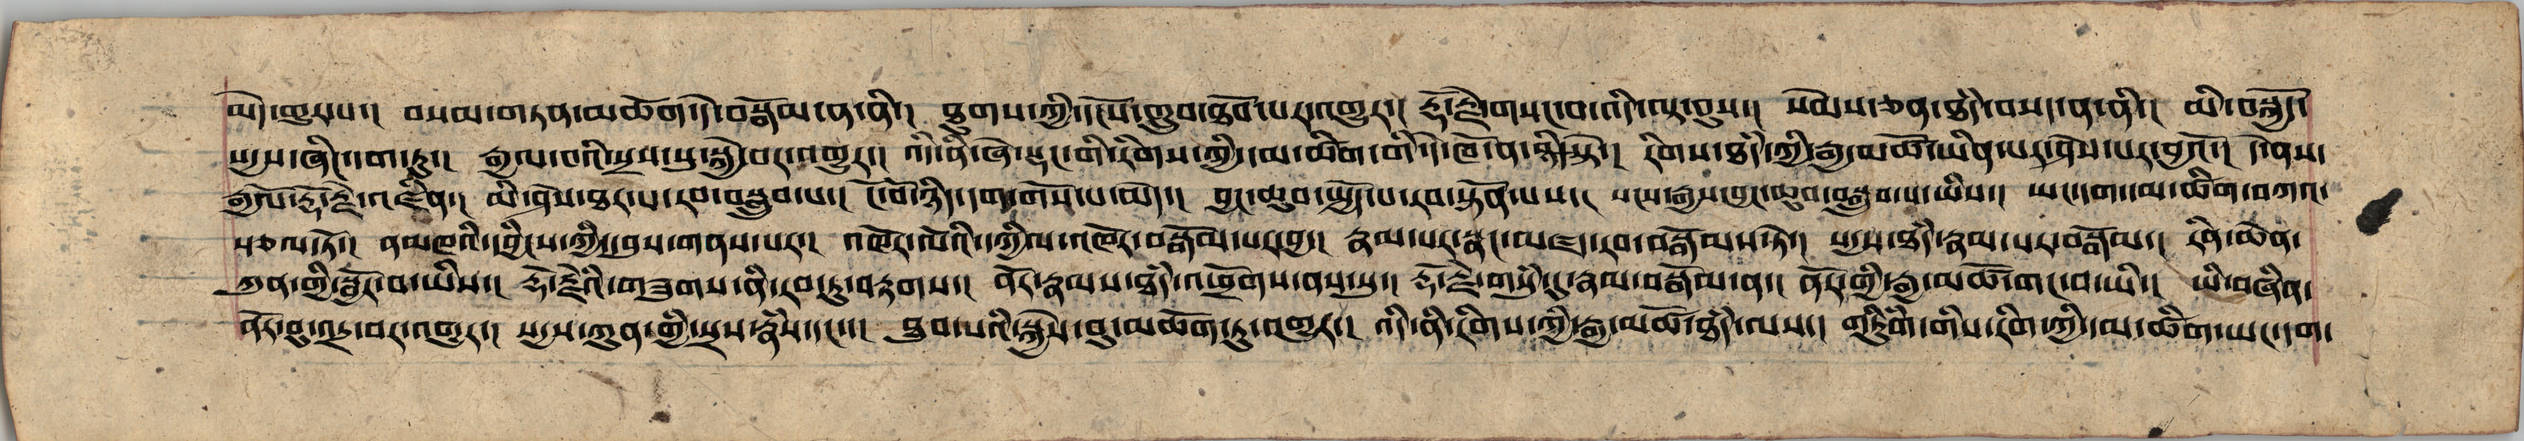མེད་གྱུར་པ་། བསམ་གཏན་མཆོག་དེ་བསྒོམ་ན་ནི་། ཐུགས་ཀྱི་དངོས་གྲུབ་ཐོབ་པར་འགྱུར་། རྡོ་རྗེ་གསང་བ་འདི་ལྟ་བུས་། སེམས་ཅན་ཐཾད་བསད་ན་ནི་། མི་བསྐྱོད་
སདྱས་ཞིང་དག་ཏུ་། རྒྱལ་བའི་སྲས་སུ་སྐྱེ་བར་འགྱུར་། འདི་ནི་ཞེ་སྡང་གི་རིགས་ཀྱི་དམ་ཚིག་གི་དེ་ཁོ་ན་ཉིད་སྟེ་། རིགས་ཐཾད་ཀྱི་རྒྱ་མཚོ་ཡིན་པར་ཤེས་པར་བྱའོ་། དེ་ནས་
རྒྱལོ་རྡོ་རྗེ་འཛིན་། མི་ཤེས་ཐར་པ་རབ་བསྒྲུབ་པ་། ངོ་བོ་ཉིད་དག་གསོ་པ་མེད་། བྱང་ཆུབ་སྤྱོད་པ་རབ་སྟོན་པས་། སངས་རྒྱས་བྱང་ཆུབ་བསྒྲུབ་པ་ཡིས་། ཡང་དག་དམ་ཚིག་བཀའ་
སྩལ་ཏོ་། ནམཁའི་དབྱིངས་ཀྱི་དབུས་གནས་པར་། འཁོར་ལོའི་དཀྱིལ་འཁོར་བསྒོམ་པར་བྱ་། རྣམ་པར་སྣང་མཛད་རབ་བསྒོམས་ཏེ་། སདྱས་ཐཾད་རྣམ་པར་བསྒོམ་། རིན་ཆེན་
ཀུན་གྱི་སྦྱོར་བ་ཡིས་། རྡོ་རྗེའི་གཟུགས་ནི་རབ་ཏུ་བརྟགས་། ནོར་རྣམས་ཐཾད་འཕྲོགས་ནས་སུ་། རྡོ་རྗེ་གསུཾ་དུ་རྣམ་བསྒོམ་ན་། ནོར་གྱི་རྒྱ་མཚོ་གང་བ་ཡི་། ཡི་བཞིན་
ནོར་བུ་འདྲ་བར་འགྱུར་། སདྱས་ཀུན་གྱི་སྲས་རྣཾས་དང་་། ཐུབ་པའི་སྐྱེས་བུ་མཆོག་ཏུ་འགྱུར་། འདི་ནི་རིགས་ཀྱི་རྒྱ་མཚོ་ཐཾད་ལས་། གཏིུཾག་གིས་རིག་ཀྱི་དམ་ཚིག་ཡང་དག་